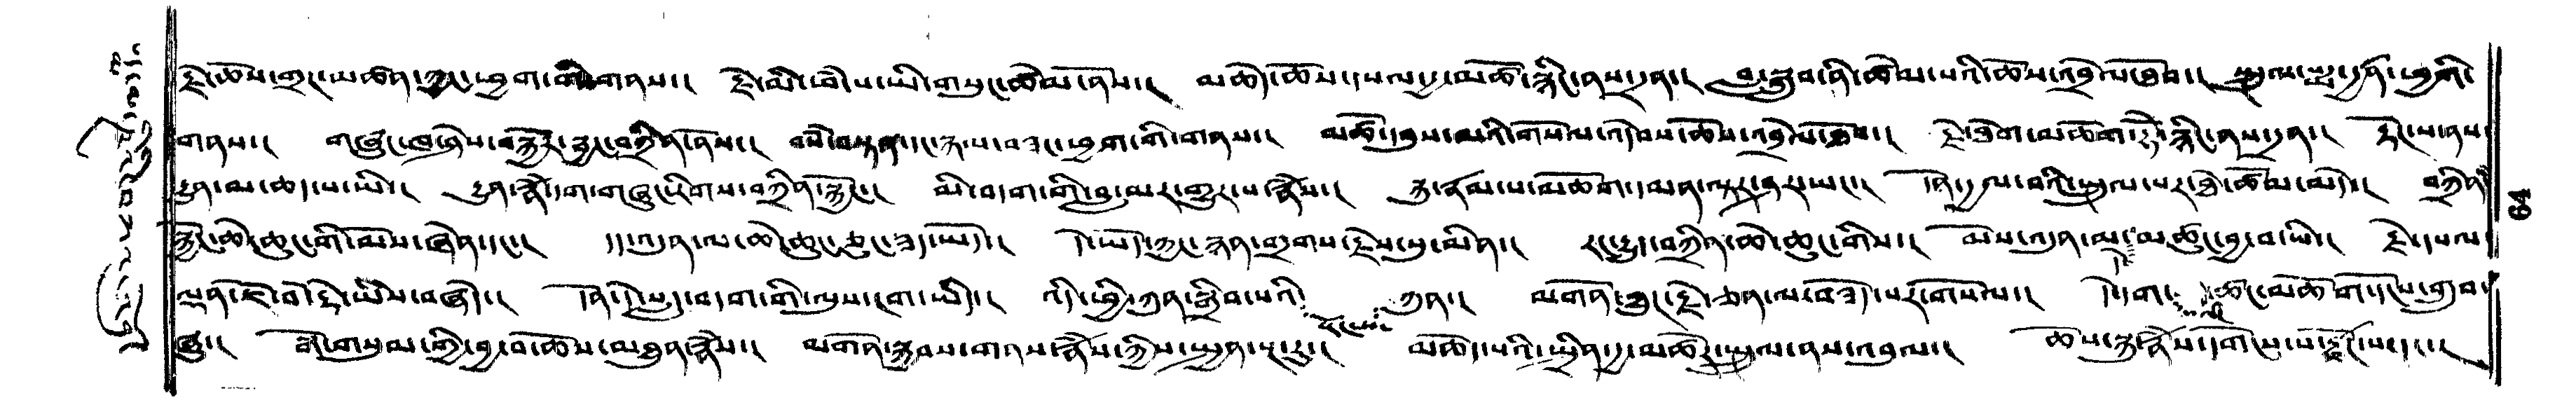།རྗེ་ཆོས་གྲགས་མཚན་ཀྱང་ཕྱག་གི་གནས། །རྗེ་མི་ཕམ་པ་ཡི་གསུང་ཚེམ་ནོས། །མཆེད་ཆོས་དཔལ་རྒྱ་མཚོ་སྙིང་ནས་དྲན། །བླ་སྒྲུབ་ནི་ཚེམ་པའི་ཆོས་འབྲེལ་ཐོབ། །སྤྲུལ་པདྨ་རྒྱལ་མཚན་ཕྱག་གི་
གནས། གཞུང་ཁ་ཤས་བསྐྱར་སྦྱོང་བཀའ་དྲིན་ནོས། །བསམ་བརྟན་དང་སྐལ་བཟང་ཕྱག་གི་གནས། །མཚོ་དབུས་མའི་གསོལ་འདེབས་ཆོས་འབྲེལ་ཐོབ། །རྗེ་ཐེག་མཆོག་རྡོ་རྗེ་སྙིང་ནས་དྲན། །རྟོགས་པ་ནས་
རྒྱུན་མ་ཆད་པ་ཡི། །རྒྱུན་རྣམ་དག་གཞུང་རིགས་བཀའ་དྲིན་སྐྱོང་། །མི་བདག་གི་བླ་མར་གྱུར་པ་རྣམས། །སྐུ་རྣམ་པ་མཆོག་དམན་ལྟར་ཤར་ཡང་། །དོན་རྒྱལ་བའི་སྤྲུལ་པར་ཐེ་ཚོམ་མེད། །བཀའ་དྲིན་
སྐྱོང་ཆེ་ཆུང་གི་མོས་ཞེན་དང་། །དད་འདུན་ལ་ཆེ་ཆུང་ཅུང་ཟད་ཡོད། །དེ་ཡོད་ཀྱང་སྙན་གྲགས་རྗེས་སུ་མིན། །རང་རྒྱུད་བཀའ་དྲིན་ཆེ་ཆུང་གིས། །མོས་འདུན་མ་དེ་མཚུངས་བྱ་བ་ནི། །རྗེ་དཔལ་
ལྡན་ཇོ་བོ་རྗེ་ཡིས་བཞེད། །དོན་དེ་སླད་བདག་གི་ལུས་ངག་ཡིད། །འདི་ཕྱི་ཀུན་སྒྲིབ་པའི་ནོངས་པ་ཀུན། །མགོན་ཐུགས་རྗེ་ཅན་ལ་བཟོད་པར་གསོལ། །དེ་དག་པའི་དབང་མཆོག་དངོས་གྲུབ་
ཞུ། །སྒོ་གསུམ་གྱི་བྱ་བ་ཆོས་མཐུན་རྣམས།མགོན་སྐྱབས་གནས་རྣམས་ཀྱི་སྤྱན་སྔ་རུ། །མཆོད་པའི་སྤྲིན་རྒྱ་མཚོར་སྤྲུལ་ནས་འབུལ། །ཆོས་སྐུ་རྣམས་དགོངས་པ་རྫོགས་པ་དང་།